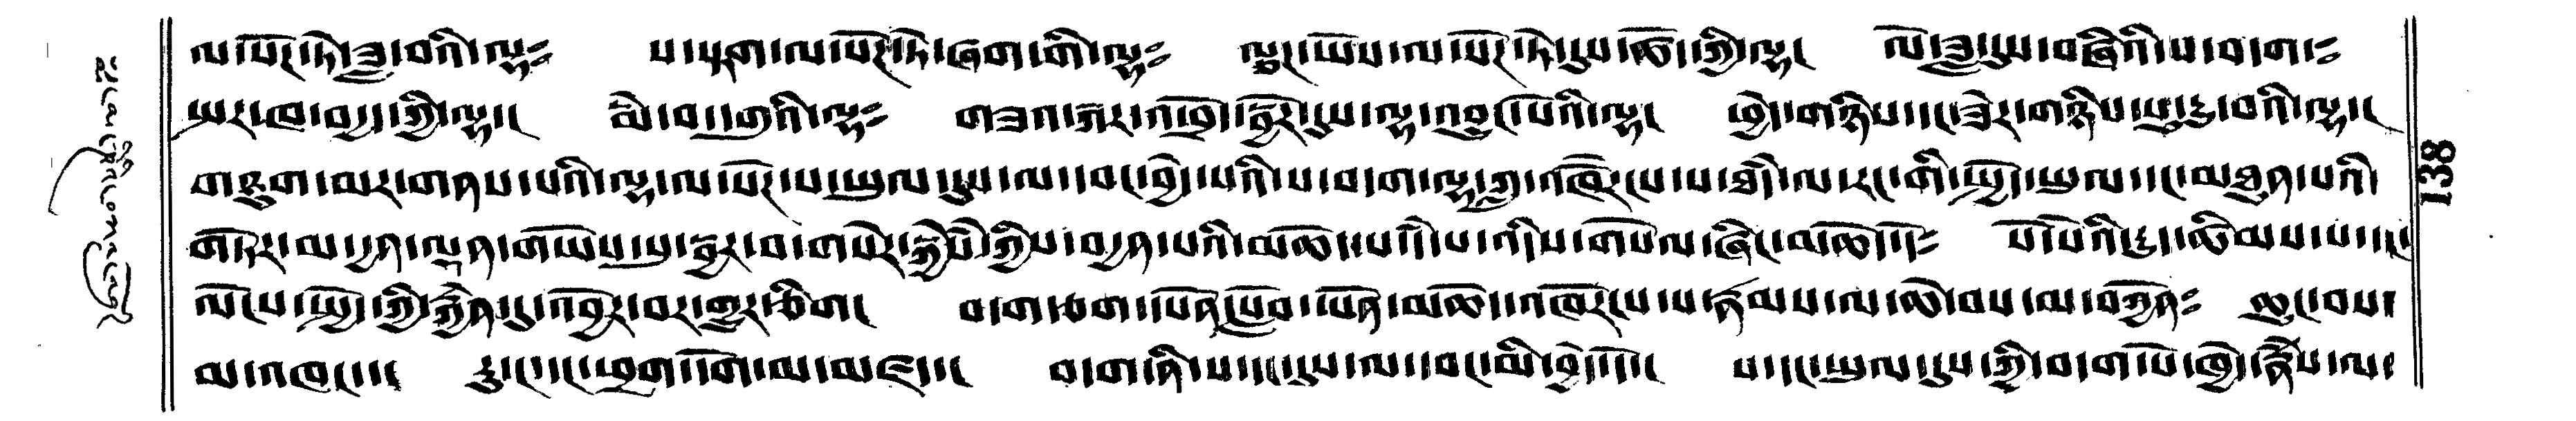ལ་སོགས་ཏེ་ཟླ་བའི་ལྷ། ས་སྟག་ལ་སོགས་ཏེ་ཞག་གི་ལྷ། ལྕགས་ཡོས་ལ་སོགས་ཏེ་དུས་ཚོད་ཀྱི་ལྷ། ལོ་ཟླ་དུས་བཞིའི་ས་བདག
 སྤར་ཁ་བརྒྱད་ཀྱི་ལྷ། སྨེ་བ་དགུའི་ལྷ། གཟའ་སྐར་འཕྲོད་སྦྱོར་དུས་ལྷ་འབྱུང་པོའི་ལྷ། ཕྱེད་གཉིས་དང་ཟེར་གཉིས་སུ་རྒྱུ་བའི་ལྷ།
 གཉུག་མར་གནས་པའི་ལྷ་ལ་སོགས་པ་ཡུལ་དུས་ལ་དབང་བྱེད་པའི་ས་བདག་ལྷ་ཀླུ་འཁོར་དང་བཅས་པ་ཐམས་ཅད་ལ་རང་གི་སྤྱོད་ཡུལ་དང་མཐུན་པའི་
གཏོར་མ་རྒྱན་ལྡན་གཡོས་སུ་སྦྱར་བ་གསེར་སྐྱེམས་ཀྱིས་བརྒྱན་པའི་མཆོད་པ་དམ་པ་འདིས་གསོལ་ཞིང་མཆོད་དོ། སོ་སོའི་རྒྱུད་ཚིམས་པ་དང་
ལོངས་སྤྱོད་ཀྱི་རྐྱེན་དུ་འབྱུར་བར་གྱུར་ཅིག བདག་ཅག་དཔོན་སློབ་ཡོན་མཆོད་འཁོར་དང་བཅས་པ་རྣམས་ལ་ཆེ་བས་མ་བཀྱོན། ཆུང་བས་
མ་འཁང་། རུ་ང་དང་ཕྲག་དོག་མ་མཛད། བདག་ནི་ས་དང་དུས་ལ་དབང་མི་བྱེད་དོ། ས་དང་ཡུལ་དུས་ཀྱི་བདག་པོ་ཁྱེད་རྣམས་ལ་